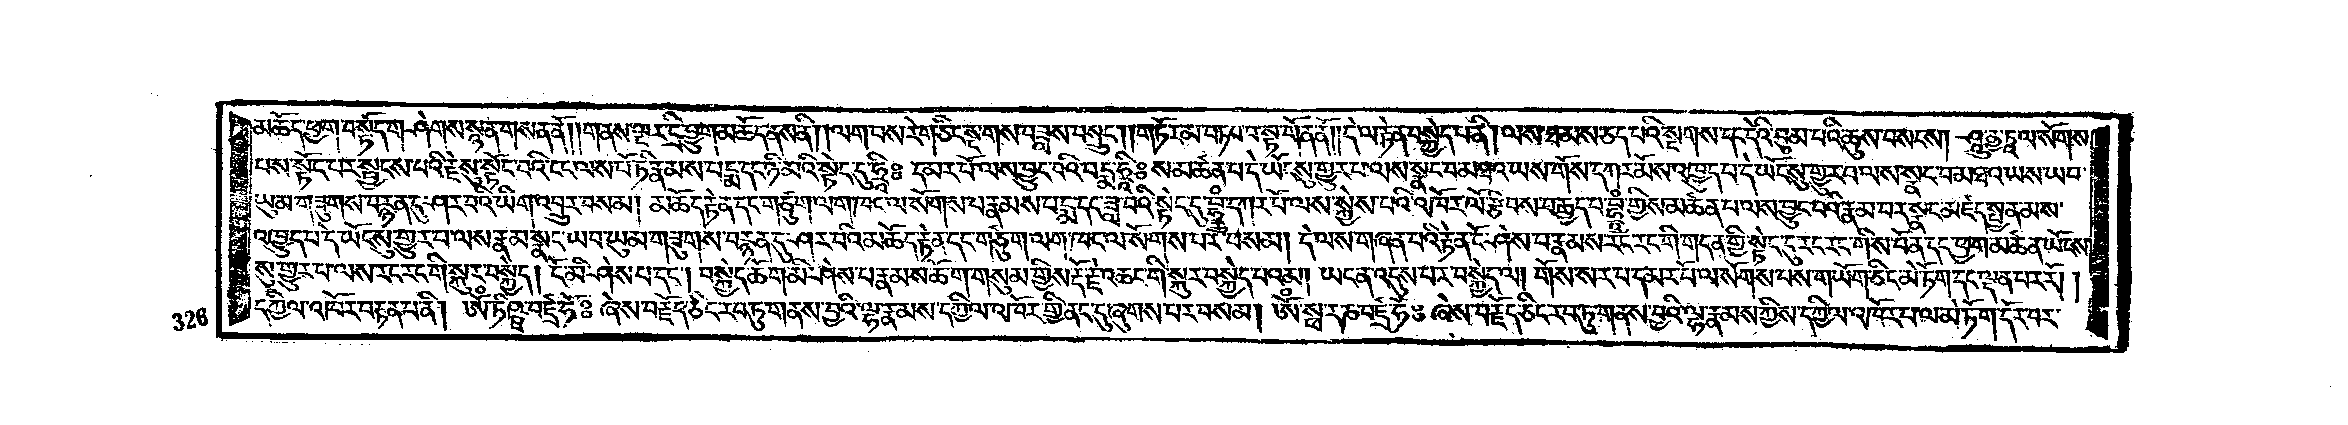མཆོད་ཕྱག་བསྟོད་གཤེགས་སྙན་གསན་ནོ། །གནས་ལྔར་དྲི་བྱུག་མཆོད་ནས་ནི། །ལག་བས་རེག་ཅིང་སྔགས་བཟླས་བསྲུང་། །གཏོར་མ་བཏང་བ་སྟ་གོན་ནོ། །དེ་ལ་རྟེན་བསྐྱེད་པ་ནི། ལས་ཐམས་ཅད་པའི་སྔགས་དང་དེའི་བུམ་པའི་ཆུས་བསངས། ཤཱུ་ནྱ་ཏཱ་ལ་སོགས་
པས་སྟོང་པར་སྦྱངས་པའི་རྗེས་སུ་སྟོང་བའི་ངང་ལས་པོ་ཏི་རྣམས་པདམ་དང་ཉི་མའི་སྟེང་དུ་ཧྲཱིཿ དམར་པོ་ལས་བྱུང་བའི་པདམ་ཧྲཱིཿ ས་མཚན་པ་དེ་ཡོངས་སུ་གྱུར་པ་ལས་སྣང་བ་མཐའ་ཡས་གོས་དཀར་མོས་འཁྱུད་པ་དེ་ཡོངས་སུ་གྱུར་པ་ལས་སྣང་བ་མཐའ་ཡས་ཡབ་
ཡུམ་གཟུགས་བརྙན་དུ་ཤར་བའི་ཡིག་འབྲུར་བསམ། མཆོད་རྟེན་དང་གཙུག་ལག་ཁང་ལ་སོགས་པ་རྣམས་པདམ་དང་ཟླ་བའི་སྟེང་དུ་བྷྲཱུཾ་དཀར་པོ་ལས་སྐྱེས་པའི་འཁོར་ལོ་རྩིབས་བརྒྱད་པ་བྷྲཱུཾ་གྱིས་མཚན་པ་ལས་བྱུང་བའི་རྣམ་པར་སྣང་མཛད་སྤྱན་མས་
འཁྱུད་པ་དེ་ཡོངས་སུ་གྱུར་པ་ལས་རྣམ་སྣང་ཡབ་ཡུམ་གཟུགས་བརྙན་དུ་ཤར་བའི་མཆོད་རྟེན་དང་གཙུག་ལག་ཁང་ལ་སོགས་པར་བསམ། དེ་ལས་གཞན་པའི་རྟེན་ངོ་ཤེས་པ་རྣམས་རང་རང་གི་གདན་གྱི་སྟེང་དུ་རང་རང་གི་ས་བོན་དང་ཕྱག་མཚན་ཡོངས་
སུ་གྱུར་པ་ལས་རང་རང་གི་སྐུར་བསྐྱེད། ངོ་མི་ཤེས་པ་དང་། བསྐྱེད་ཆོག་མི་ཤེས་པ་རྣམས་ཆོ་ག་གསུམ་གྱིས་རྡོ་རྗེ་འཆང་གི་སྐར་བསྐྱེད་པའམ། ཡང་ན་འདུས་པར་བསྐྱེད་ལ། གོས་སར་པ་དམར་པོ་ལ་སོགས་པས་གཡོག་ཅིང་མེ་ཏོག་དང་ལྡན་པར་རོ། །
དཀྱིལ་འཁོར་བརྟན་པ་ནི། ཨོཾ་ཏི་ཤྴ་བཛྲ་ཧོཿ ཞེས་བརྗོད་ཅིང་རབ་ཏུ་གནས་བྱའི་ལྷ་རྣམས་དཀྱིལ་འཁོར་གྱི་ནང་དུ་ཞུགས་པར་བསམ། ཨོཾ་སྥ་ར་ན་བཛྲ་ཧོཿ ཞེས་བརྗོད་ཅིང་རབ་ཏུ་གནས་བྱའི་ལྷ་རྣམས་ཀྱིས་དཀྱིལ་འཁོར་པ་ལ་མེ་ཏོག་དོར་བར་